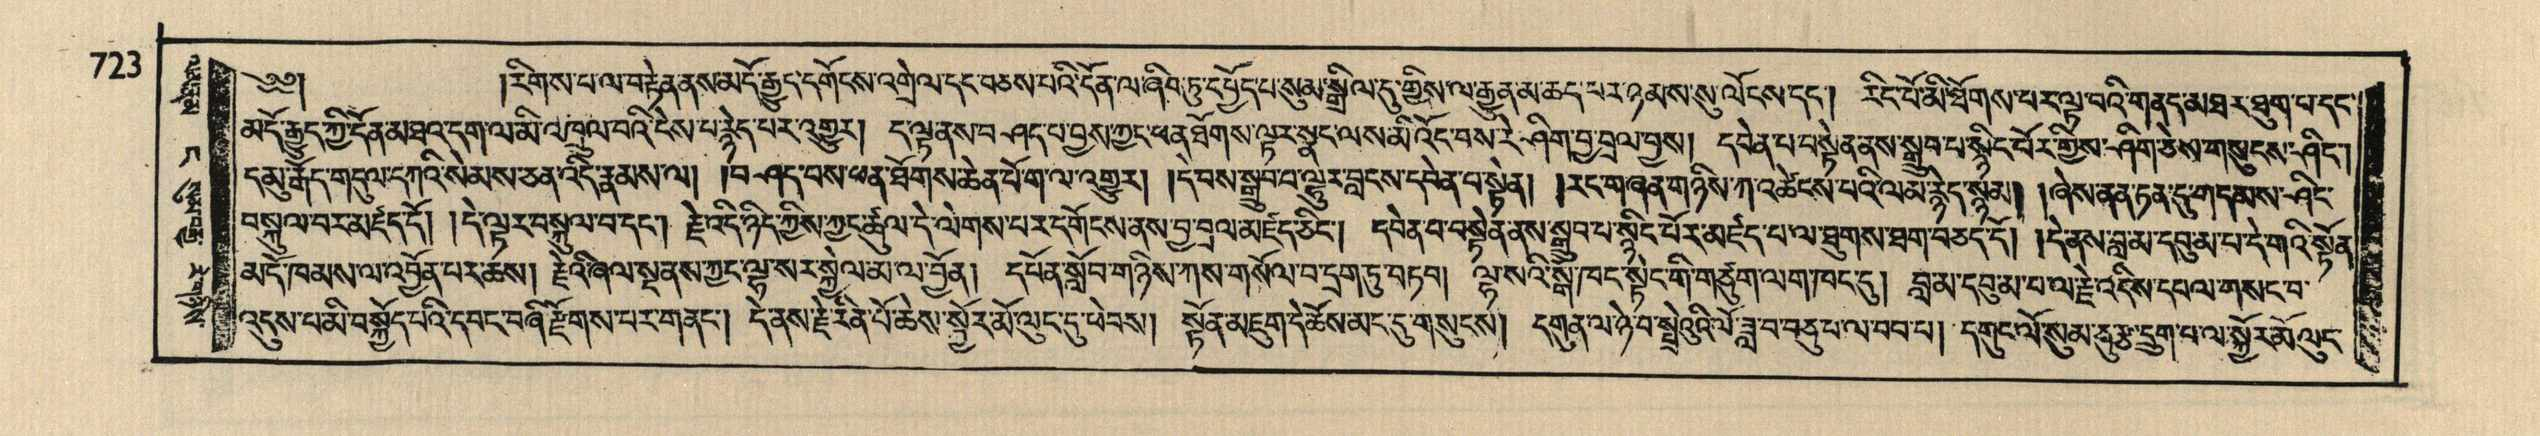༄༅། །རིགས་པ་ལ་བརྟེན་ནས་མདོ་རྒྱུད་དགོངས་འགྲེལ་དང་བཅས་པའི་དོན་ལ་ཞིབ་ཏུ་དཔྱོད་པ་སུམ་སྒྲིལ་དུ་གྱིས་ལ་རྒྱུན་མ་ཆད་པར་ཉམས་སུ་ལོངས་དང་། རིང་པོ་མི་ཐོགས་པར་ལྟ་བའི་གནད་མཐར་ཐུག་པ་དང་
མདོ་རྒྱུད་ཀྱི་དོན་མཐའ་དག་ལ་མི་འཁྲུལ་བའི་ངེས་པ་རྙེད་པར་འགྱུར། ད་ལྟ་ནས་བཤད་པ་བྱས་ཀྱང་ཕན་ཐོགས་ལྟར་སྣང་ལས་མི་འོང་བས་རེ་ཤིག་བྱ་བྲལ་བྱས། དབེན་པ་བསྟེན་ནས་སྒྲུབ་པ་སྙིང་པོར་གྱིས་ཤིག་ཅེས་གསུངས་ཤིང་།
དམུ་རྒོད་གདུལ་དཀའི་སེམས་ཅན་འདི་རྣམས་ལ། །བཤད་པས་ཕན་ཐོགས་ཆེན་པོ་ག་ལ་འགྱུར། །དེ་བས་སྒྲུབ་བ་ལྷུར་བླངས་དབེན་བ་སྟེན། །རང་གཞན་གཉིས་ཀ་འཚེངས་པའི་ལམ་རྙེད་སྙམ། །ཞེས་ནན་ཏན་དུ་གདམས་ཤིང་
བསྐུལ་བར་མཛད་དོ། །དེ་ལྟར་བསྐུལ་བ་དང་། རྗེ་འདི་ཉིད་ཀྱིས་ཀྱང་ཚུལ་དེ་ལེགས་པར་དགོངས་ནས་བྱ་བྲལ་མཛད་ཅིང་། དབེན་པ་བསྟེན་ནས་སྒྲུབ་པ་སྙིང་པོར་མཛད་པ་ལ་ཐུགས་ཐག་བཅད་དོ། །དེ་ནས་བླ་མ་དབུ་མ་པ་དེ་གའི་སྟོན་
མདོ་ཁམས་ལ་འབྱོན་པར་ཆས། རྗེའི་ཞལ་སྔ་ནས་ཀྱང་ལྷ་སར་སྐྱེལ་མ་ལ་བྱོན། དཔོན་སློབ་གཉིས་ཀས་གསོལ་བ་དྲག་ཏུ་བཏབ། ལྷ་སའི་སྒོ་ཁང་སྟེང་གི་གཙུག་ལག་ཁང་དུ། བླ་མ་དབུ་མ་པ་ལ་རྗེ་འདིས་དཔལ་གསང་བ་
འདུས་པ་མི་བསྐྱོད་པའི་དབང་བཞི་རྫོགས་པར་གནང་། དེ་ནས་རྗེ་རིན་པོ་ཆེས་སྦྱོར་མོ་ལུང་དུ་ཕེབས། སྟོན་མཇུག་དེ་ཆོས་མང་དུ་གསུངས། དགུན་ལ་ཉེ་བ་སྤྲེའུའི་ལོ་ཟླ་བ་བཅུ་པ་ལ་བབ་པ། དགུང་ལོ་སུམ་ཅུ་རྩ་དྲུག་པ་ལ་སྐྱོར་མོ་ལུང་